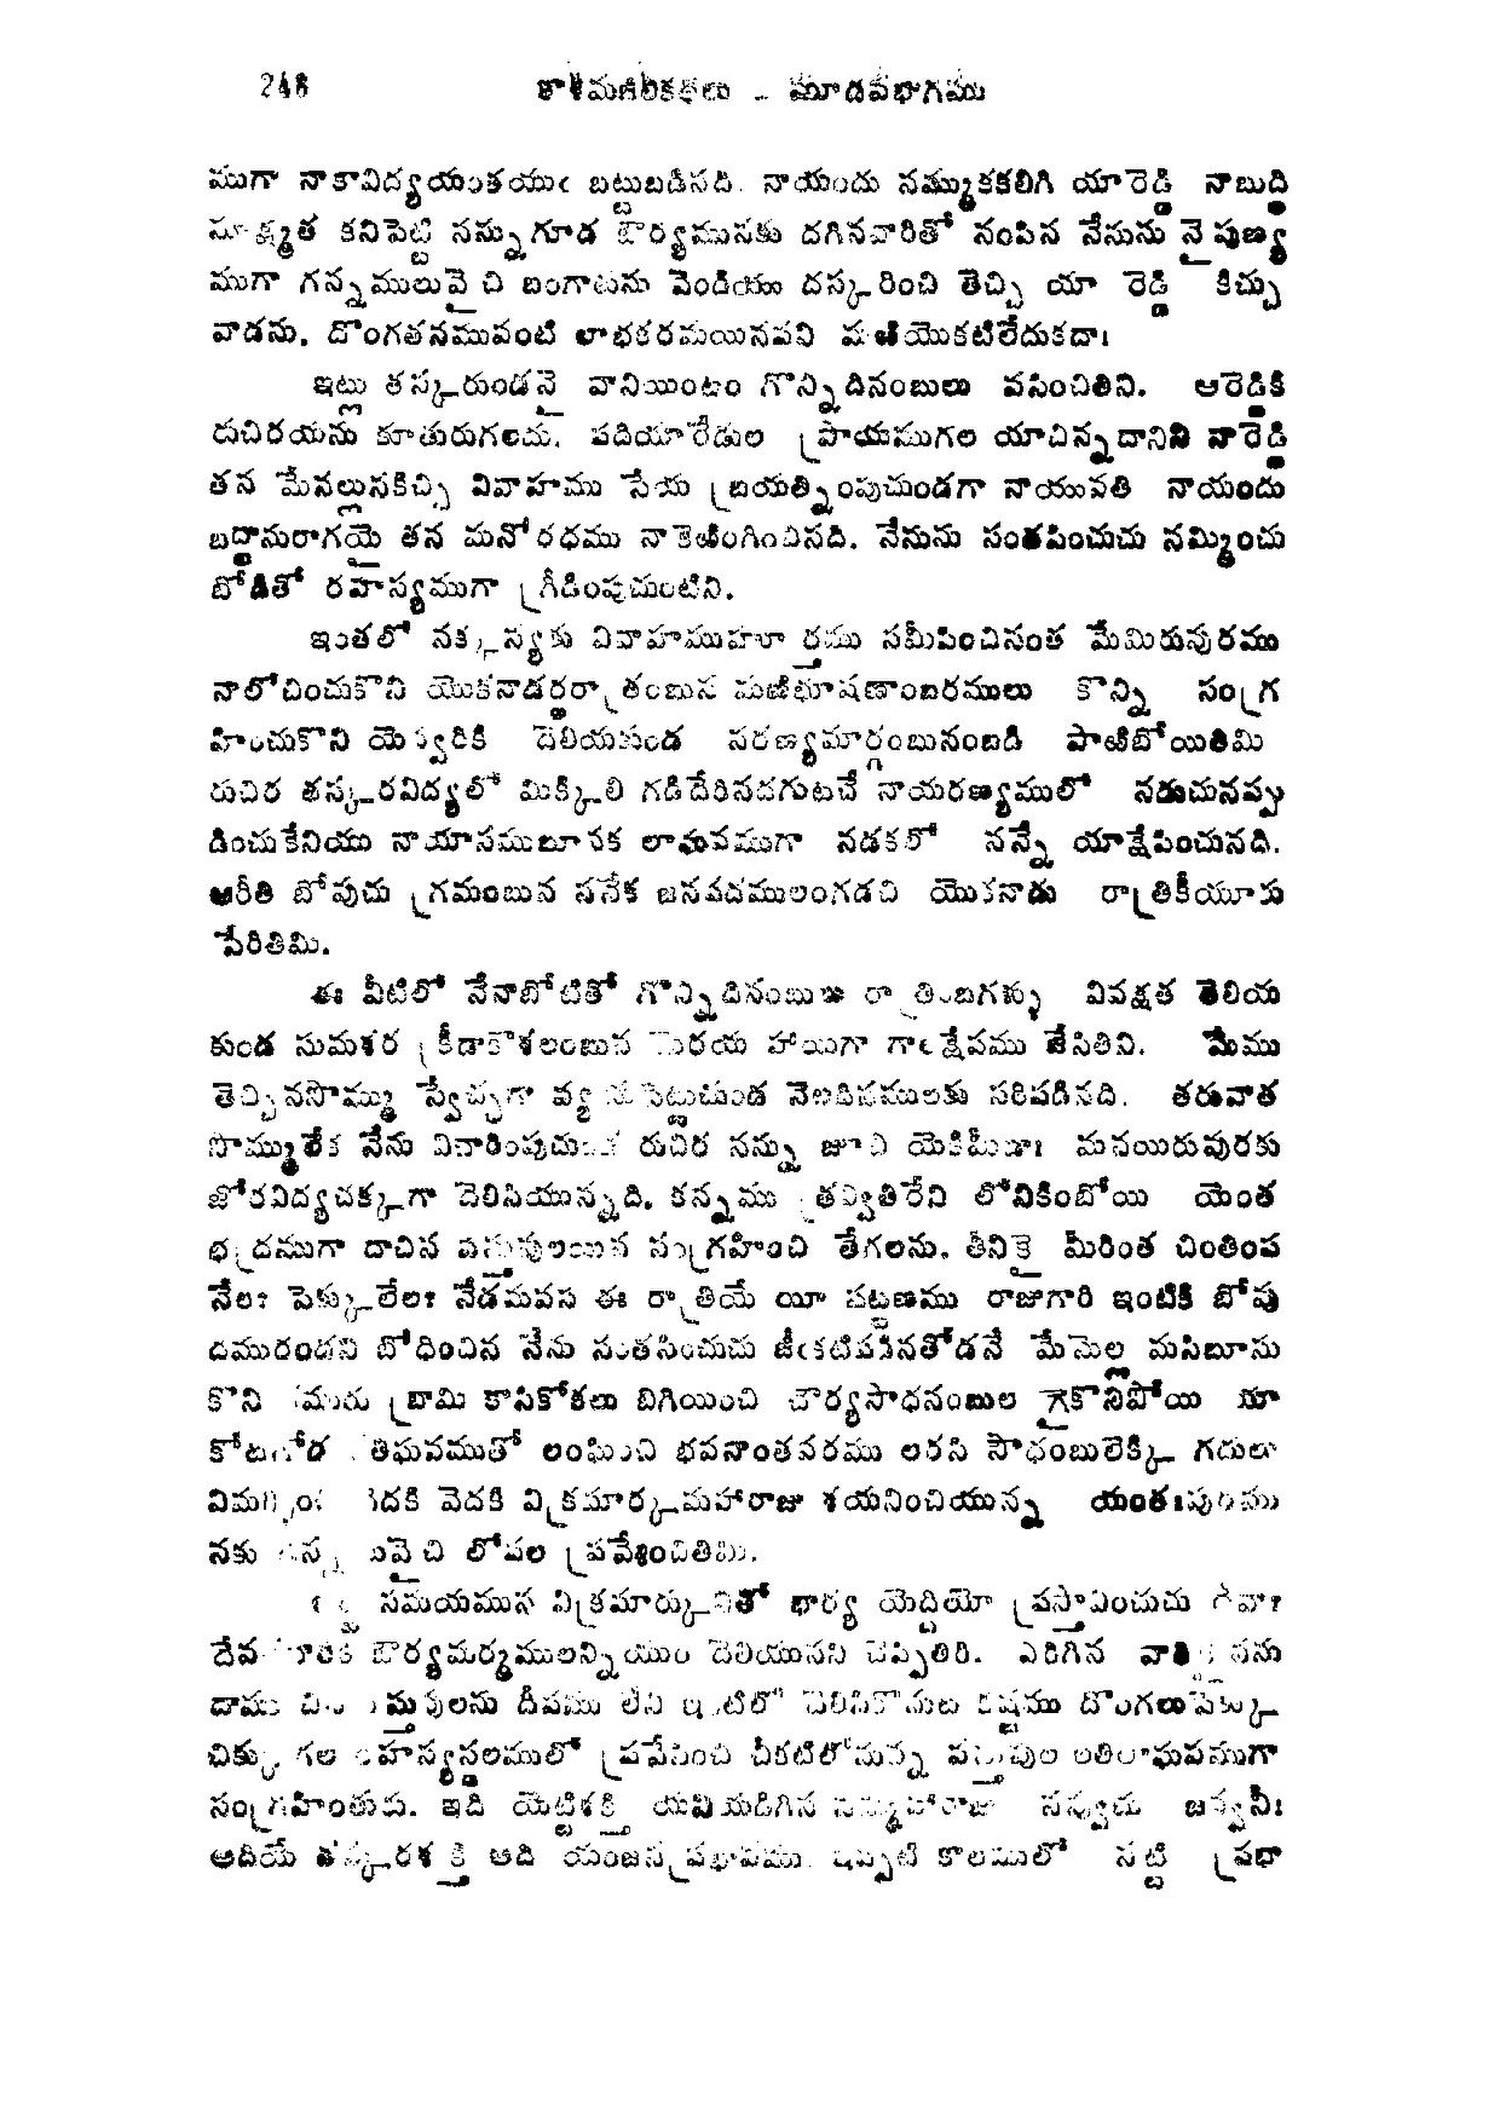ముగా నాకావిద్యయంతయుఁ బట్టుబడినది. నాయందు నమ్ముకకలిగి యారెడ్డి నాబుద్ధి సూక్ష్మత కనిపెట్టి నన్నుగూడ చౌర్యమునకు దగినవారితో నంపిన నేనును నైపుణ్యముగా గన్నములువైచి బంగారును వెండియు దస్కరించి తెచ్చి యా రెడ్డి కిచ్చువాడను. దొంగతనమువంటి లాభకరమయినపని మఱియొకటిలేదుకదా!

ఇట్లు తస్కరుండనై వానియింటం గొన్ని దినంబులు వసించితిని. ఆరెడ్డికి రుచిరయను కూతురుగలదు. పదియారేడుల ప్రాయముగల యాచిన్నదానిని నారెడ్డి తన మేనల్లునకిచ్చి వివాహము సేయ బ్రయత్నింపుచుండగా నాయువతి నాయందు బద్ధానురాగయై తన మనోరథము నాకెఱింగించినది. నేనును సంతసించుచు నమ్మించుబోడితో రహస్యముగా గ్రీడింపుచుంటిని.

ఇంతలో నక్కన్యకు వివాహముహూర్తము సమీపించినంత మేమిరువురము నాలోచించుకొని యొకనాడర్ధరాత్రంబున మణిభూషణాంబరములు కొన్ని సంగ్రహించుకొని యెవ్వరికి దెలియకుండ నరణ్యమార్గంబునంబడి పాఱిబోయితిమి రుచిర తస్కరవిద్యలో మిక్కిలి గడిదేరినదగుటచే నాయరణ్యములో నడుచునప్పు డించుకేనియు నాయాసముబూనక లాఘవముగా నడకలో నన్నే యాక్షేపించునది. ఆరీతి బోవుచు గ్రమంబున ననేక జనపదములంగడచి యొకనాడు రాత్రి కీయూరు సేరితిమి.

ఈ వీటిలో నేనాబోటితో గొన్నిదినంబులు రాత్రింబగళ్ళు వివక్షత తెలియకుండ సుమశరక్రీడాకౌశలంబున మెరయ హాయిగా గాలక్షేపము జేసితిని. మేము తెచ్చినసొమ్ము స్వేచ్చగా వ్యయపెట్టుచుండ నెలదినములకు సరిపడినది. తరువాత సొమ్ములేక నేను విచారింపుచుండ రుచిర నన్ను జూచి యెకిమీడా! మనయిరువురకు జోరవిద్యచక్కగా దెలిసియున్నది. కన్నము త్రవ్వితిరేని లోనికింబోయి యెంత భద్రముగా దాచిన వస్తువులయిన సంగ్రహించి తేగలను. దీనికై మీరింత చింతింప నేల? పెక్కులేల? నేడమవస ఈ రాత్రియే యీ పట్టణము రాజుగారి ఇంటికి బోవుదమురండని బోధించిన నేను సంతసించుచు జీఁకటిపడినతోడనే మేమెల్ల మసిబూసుకొని సమురు బ్రామి కాసికోకలు బిగియించి చౌర్యసాధనంబుల గైకొనిపోయి యా కోటగోడ లాఘవముతో లంఘింఛి భవనాంతరము లరసి సౌధంబులెక్కి గదులు విమర్శించి వెదకి వెదకి విక్రమార్క మహారాజు శయనించియున్న యంతఃపురమునకు గన్నమువైచి లోపల ప్రవేశించితిమి.

అట్టి సమయమున విక్రమార్కునితో భార్య యెద్దియో ప్రస్తావించుచు దేవా? దేవకిరాతకజౌర్యమర్మము లన్నియుం దెలియునని చెప్పితిరి. ఎరిగిన వారికైనను దాము దాచినవస్తువులను దీపము లేని ఇంటిలో దెలిసికొనుట కష్టము దొంగలుపెక్కు చిక్కు గల రహస్యస్థలములో ప్రవేసించి చీకటిలోనున్న వస్తువుల నతిలాఘవముగా సంగ్రహింతురు. ఇది యెట్టిశక్తి యనియడిగిన నమ్మహారాజు నవ్వుచు జవ్వనీ! అదియే తస్కరశక్తి అది యంజనప్రభావము. ఇప్పటి కాలములో నట్టి ప్రభా